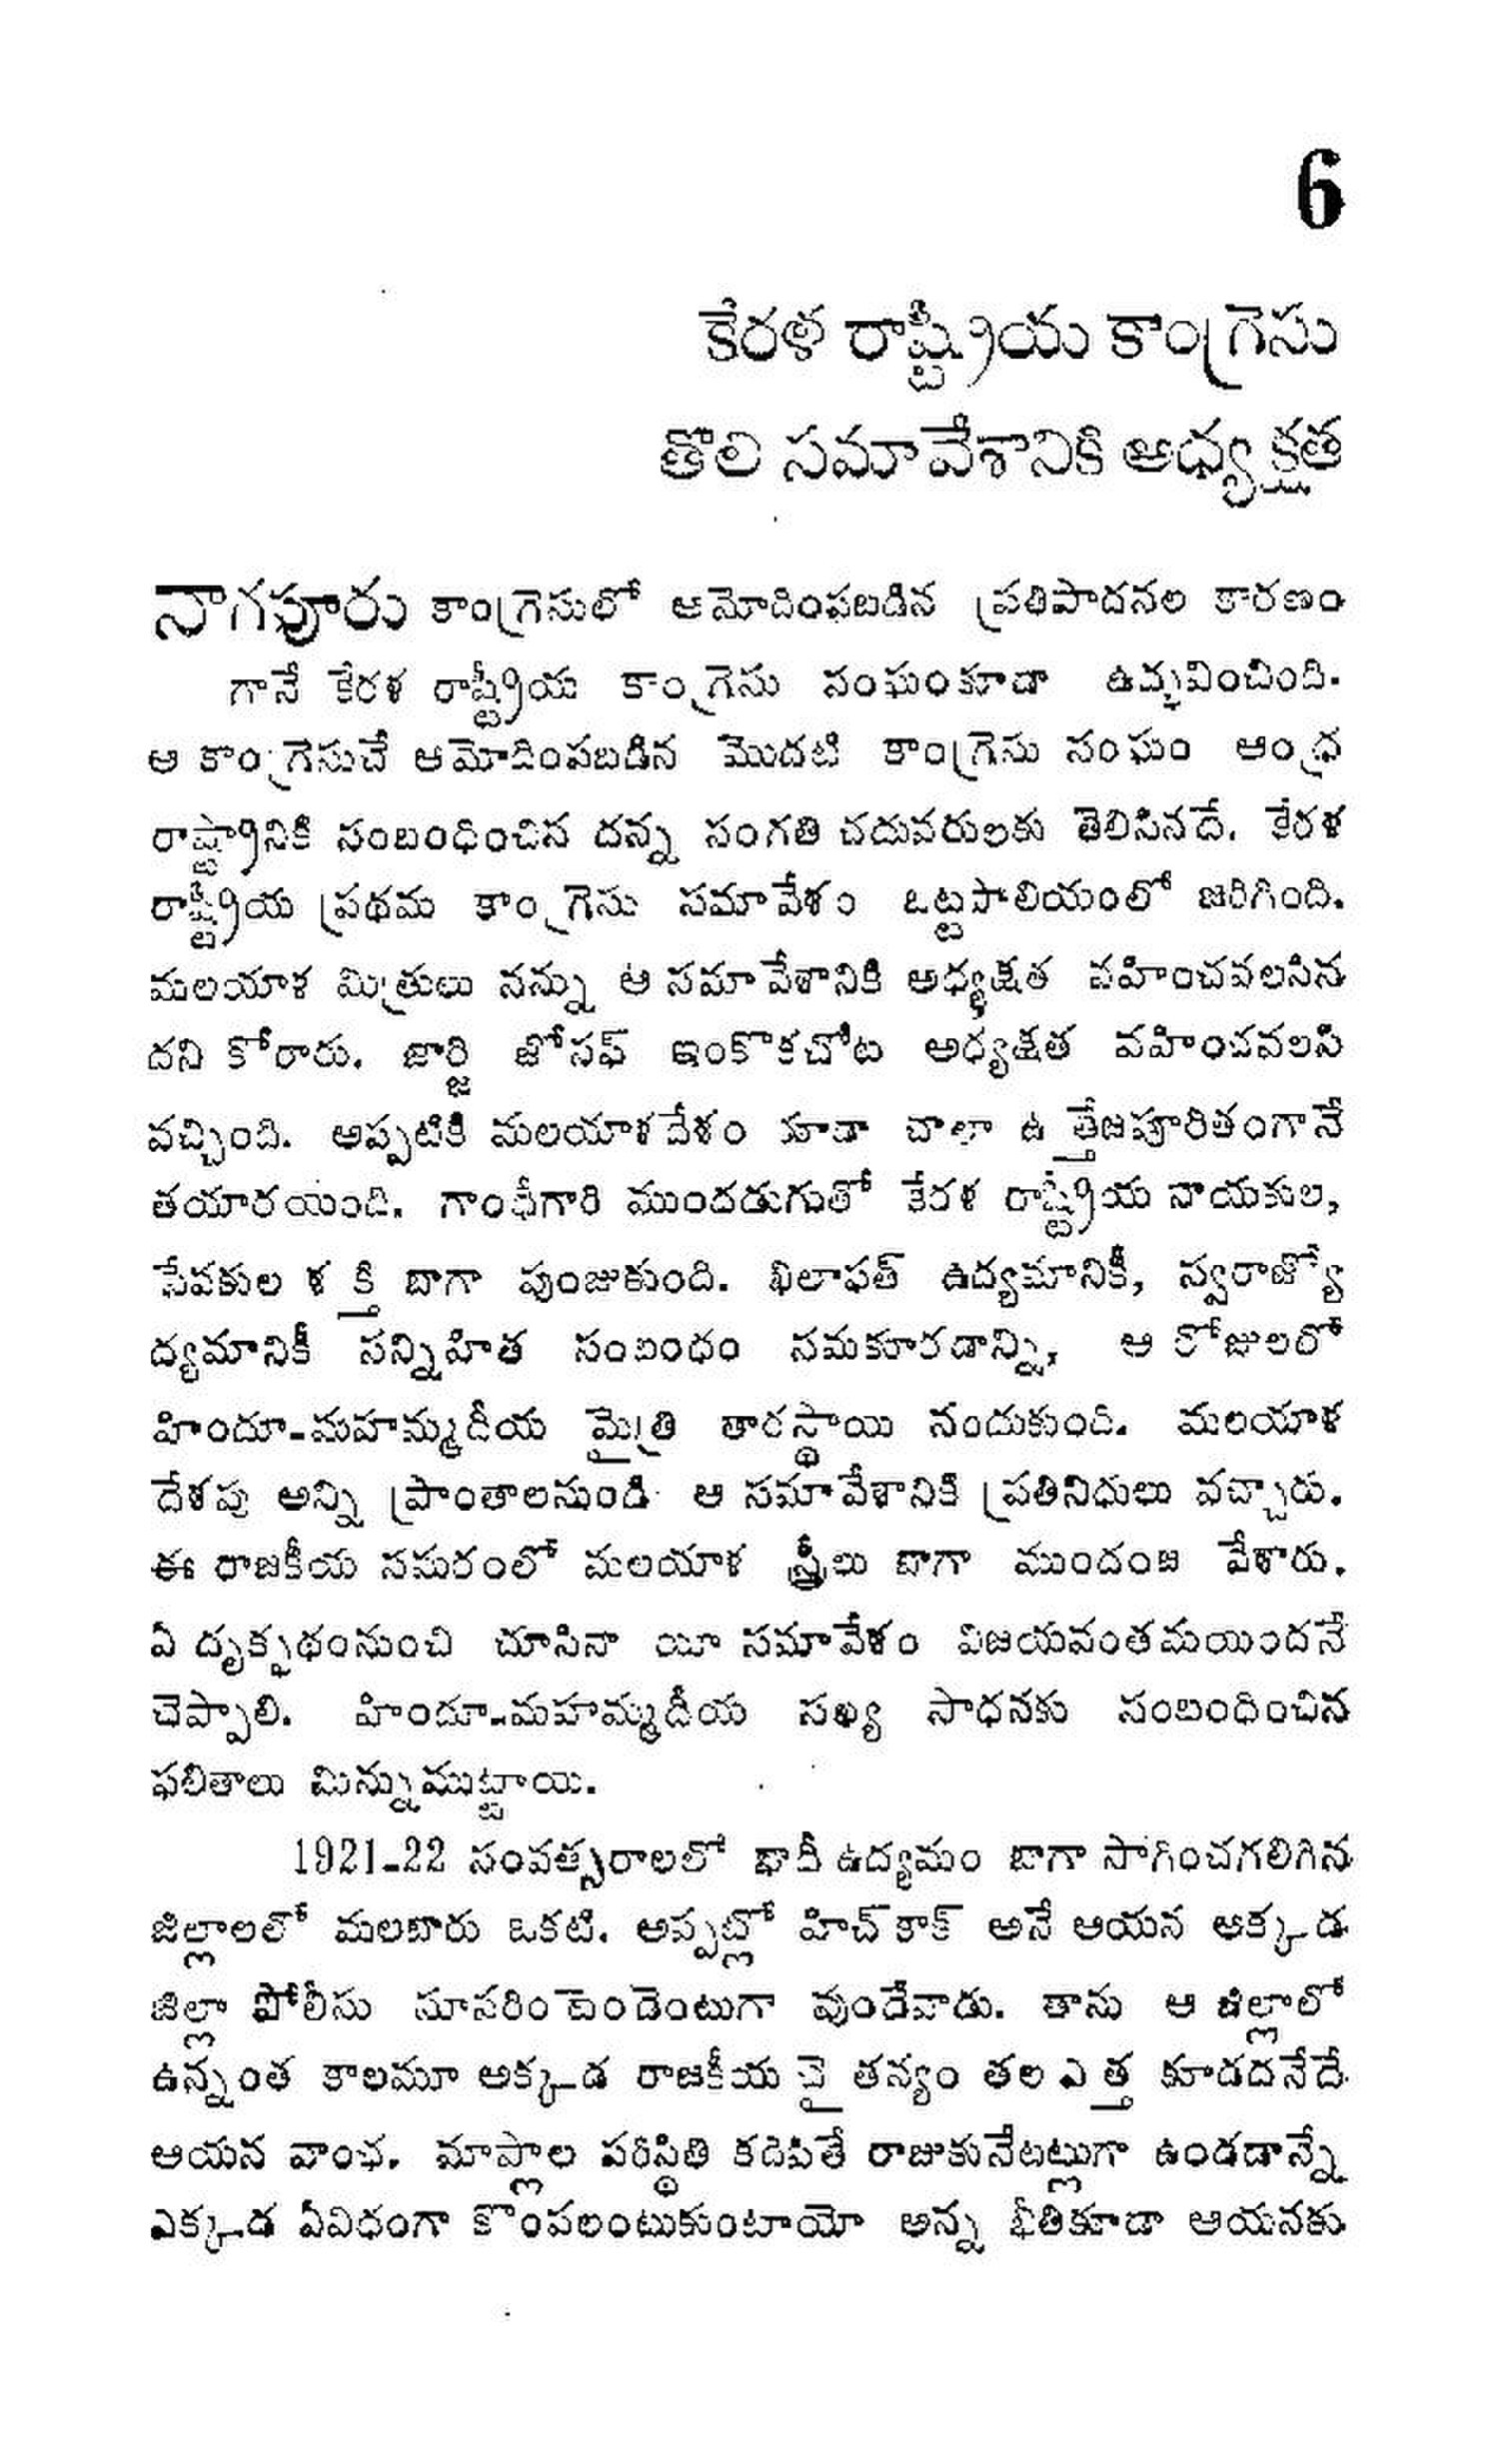నాగపూరు కాంగ్రెసులో ఆమోదింపబడిన ప్రతిపాదనల కారణంగానే కేరళ రాష్ట్రీయ కాంగ్రెసు సంఘంకూడా ఉద్భవించింది. ఆ కాంగ్రెసుచే ఆమోదింపబడిన మొదటి కాంగ్రెసు సంఘం ఆంధ్ర రాష్ట్రానికి సంబంధించిన దన్న సంగతి చదువరులకు తెలిసినదే. కేరళ రాష్ట్రీయ ప్రథమ కాంగ్రెసు సమావేశం ఒట్టపాలియంలో జరిగింది. మలయాళ మిత్రులు నన్ను అ సమావేశానికి అధ్యక్షత వహించవలసినదని కోరారు. జార్జి జోసాఫ్ ఇంకొకచోట అధ్యక్షత వహించవలసి వచ్చింది. అప్పటికి మలయాళదేశం కూడా చాలా ఉత్తేజపూరితంగానే తయారయింది. గాంధీగారి ముందడుగులో కేరళ రాష్ట్రీయ నాయకుల, సేవకుల శక్తి బాగా పుంజుకుంది. ఖిలాఫత్ ఉధ్యమానికి, స్వరాజ్యోద్యమానికి సన్నిహిత సంబంధం సమకూరడాన్ని, ఆ రోజులలో హిందూ-మహమ్మదీయ మైత్రి తారస్థాయి నందుకుంది. మలయాళ దేశపు అన్ని ప్రాంతాలనుండి ఆ సమావేశానికి ప్రతినిధులు వచ్చారు. ఈ రాజకీయ సమరంలో మలయాళ స్త్రీలు బాగా ముందంజ వేశారు. ఏ దృక్పథంనుంచి చూసినా యీ సమావేశం విజయవంతమయిందనే చెప్పాలి. హిందూ-మహమ్మదీయ సఖ్య సాధనకు సంబంధించిన ఫలితాలు మిన్నుముట్టాయి.

1921-22 సంవత్సరాలలో ఖాదీ ఉద్యమం బాగా సాగించగలిగిన జిల్లాలో మలబారు ఒకటి. అప్పట్లో హిచ్‌కాక్ అనే ఆయన అక్కడ జిల్లా పోలీసు సూపరింటెండెంటుగా వుండేవాడు. తాను ఆ జిల్లాలో ఉన్నంత కాలమూ అక్కడ రాజకీయ చైతన్యం తల ఎత్త కూడదనేదే ఆయన వాంఛ. మాప్లాల పరిస్థితి కదిపితే రాజుకునేటట్లుగా ఉండడాన్నే ఎక్కడ ఏవిధంగా కొంపలంటుకుంటాయో అన్న భీతికూడా ఆయనకు